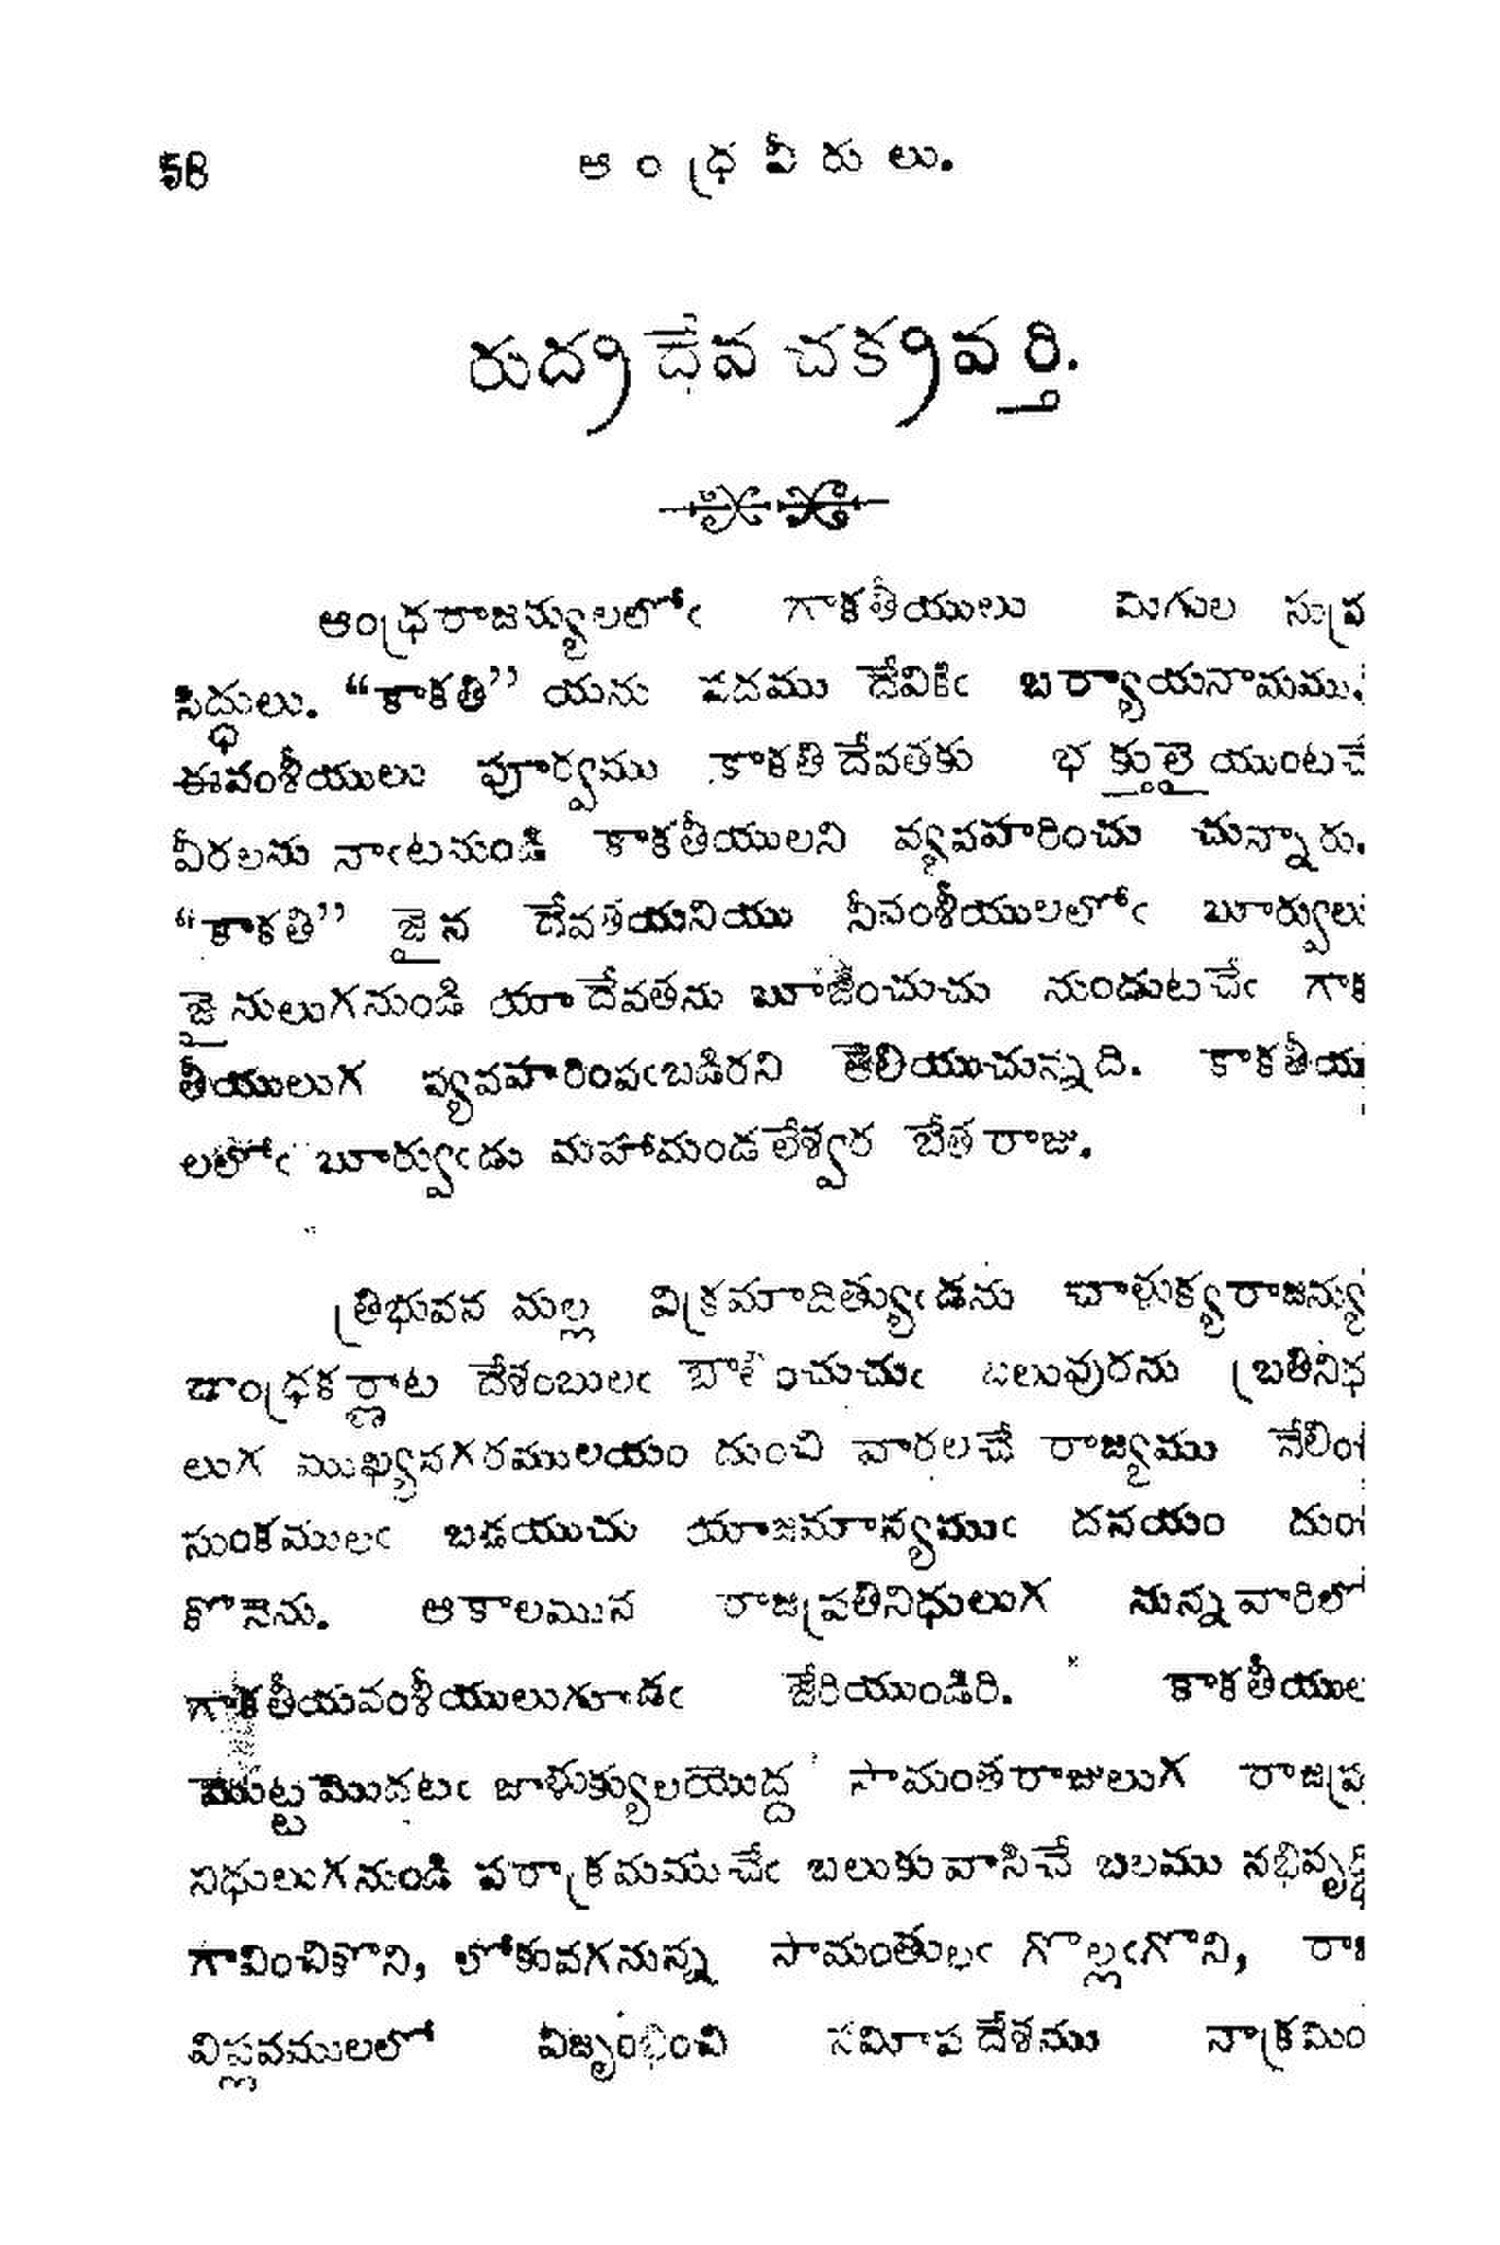ఆంధ్రరాజన్యులలో గాకతీయులు మిగుల సుప్రసిద్ధులు. "కాకతి" యను పదము దేవికి బర్యాయనామము. ఈవంశీయులు పూర్వము కాకతి దేవతకు భక్తులైయుంటచే వీరలను నాటనుండి కాకతీయులని వ్యవహరించు చున్నారు. "కాకతి" జైన దేవతనియు నీవంశీయులలో బూర్వులు జైనులుగనుండి యా దేవతను బూజించుచు నుండుటచే గాకతీయులుగ వ్యవహరింపబడిరని తెలియుచున్నది. కాకతీయులలో బూర్వుడు మహామండలేశ్వర బేతరాజు.

త్రిభువన మల్ల విక్రమాదిత్యుడను చాళుక్యరాజన్యు డాంధ్రకర్ణాట దేశంబుల బాలించుచు బలువురను బ్రతినిధులుగ ముఖ్యనగరములయం దుంచి వారలచే రాజ్యము నేలించి సుంకముల బడయుచు యాజమాన్యము దనయం దుంచు కొనెను. ఆకాలమున రాజప్రతినిధులుగ నున్నవారిలో గాకతీయవంశీయులుగూడ జేరియుండిరి. కాకతీయులు మొట్టమొదట జాళుక్యులయొద్ద సామంతరాజులుగ రాజప్రతినిధులుగనుండి పరాక్రమముచే బలుకువాసిచే బలము నభివృద్ధి గావించికొని, లోకువగనున్న సామంతుల గొల్లగొని, రాజ విప్లవములలో విజృంభించి సమీపదేశము నాక్రమించు